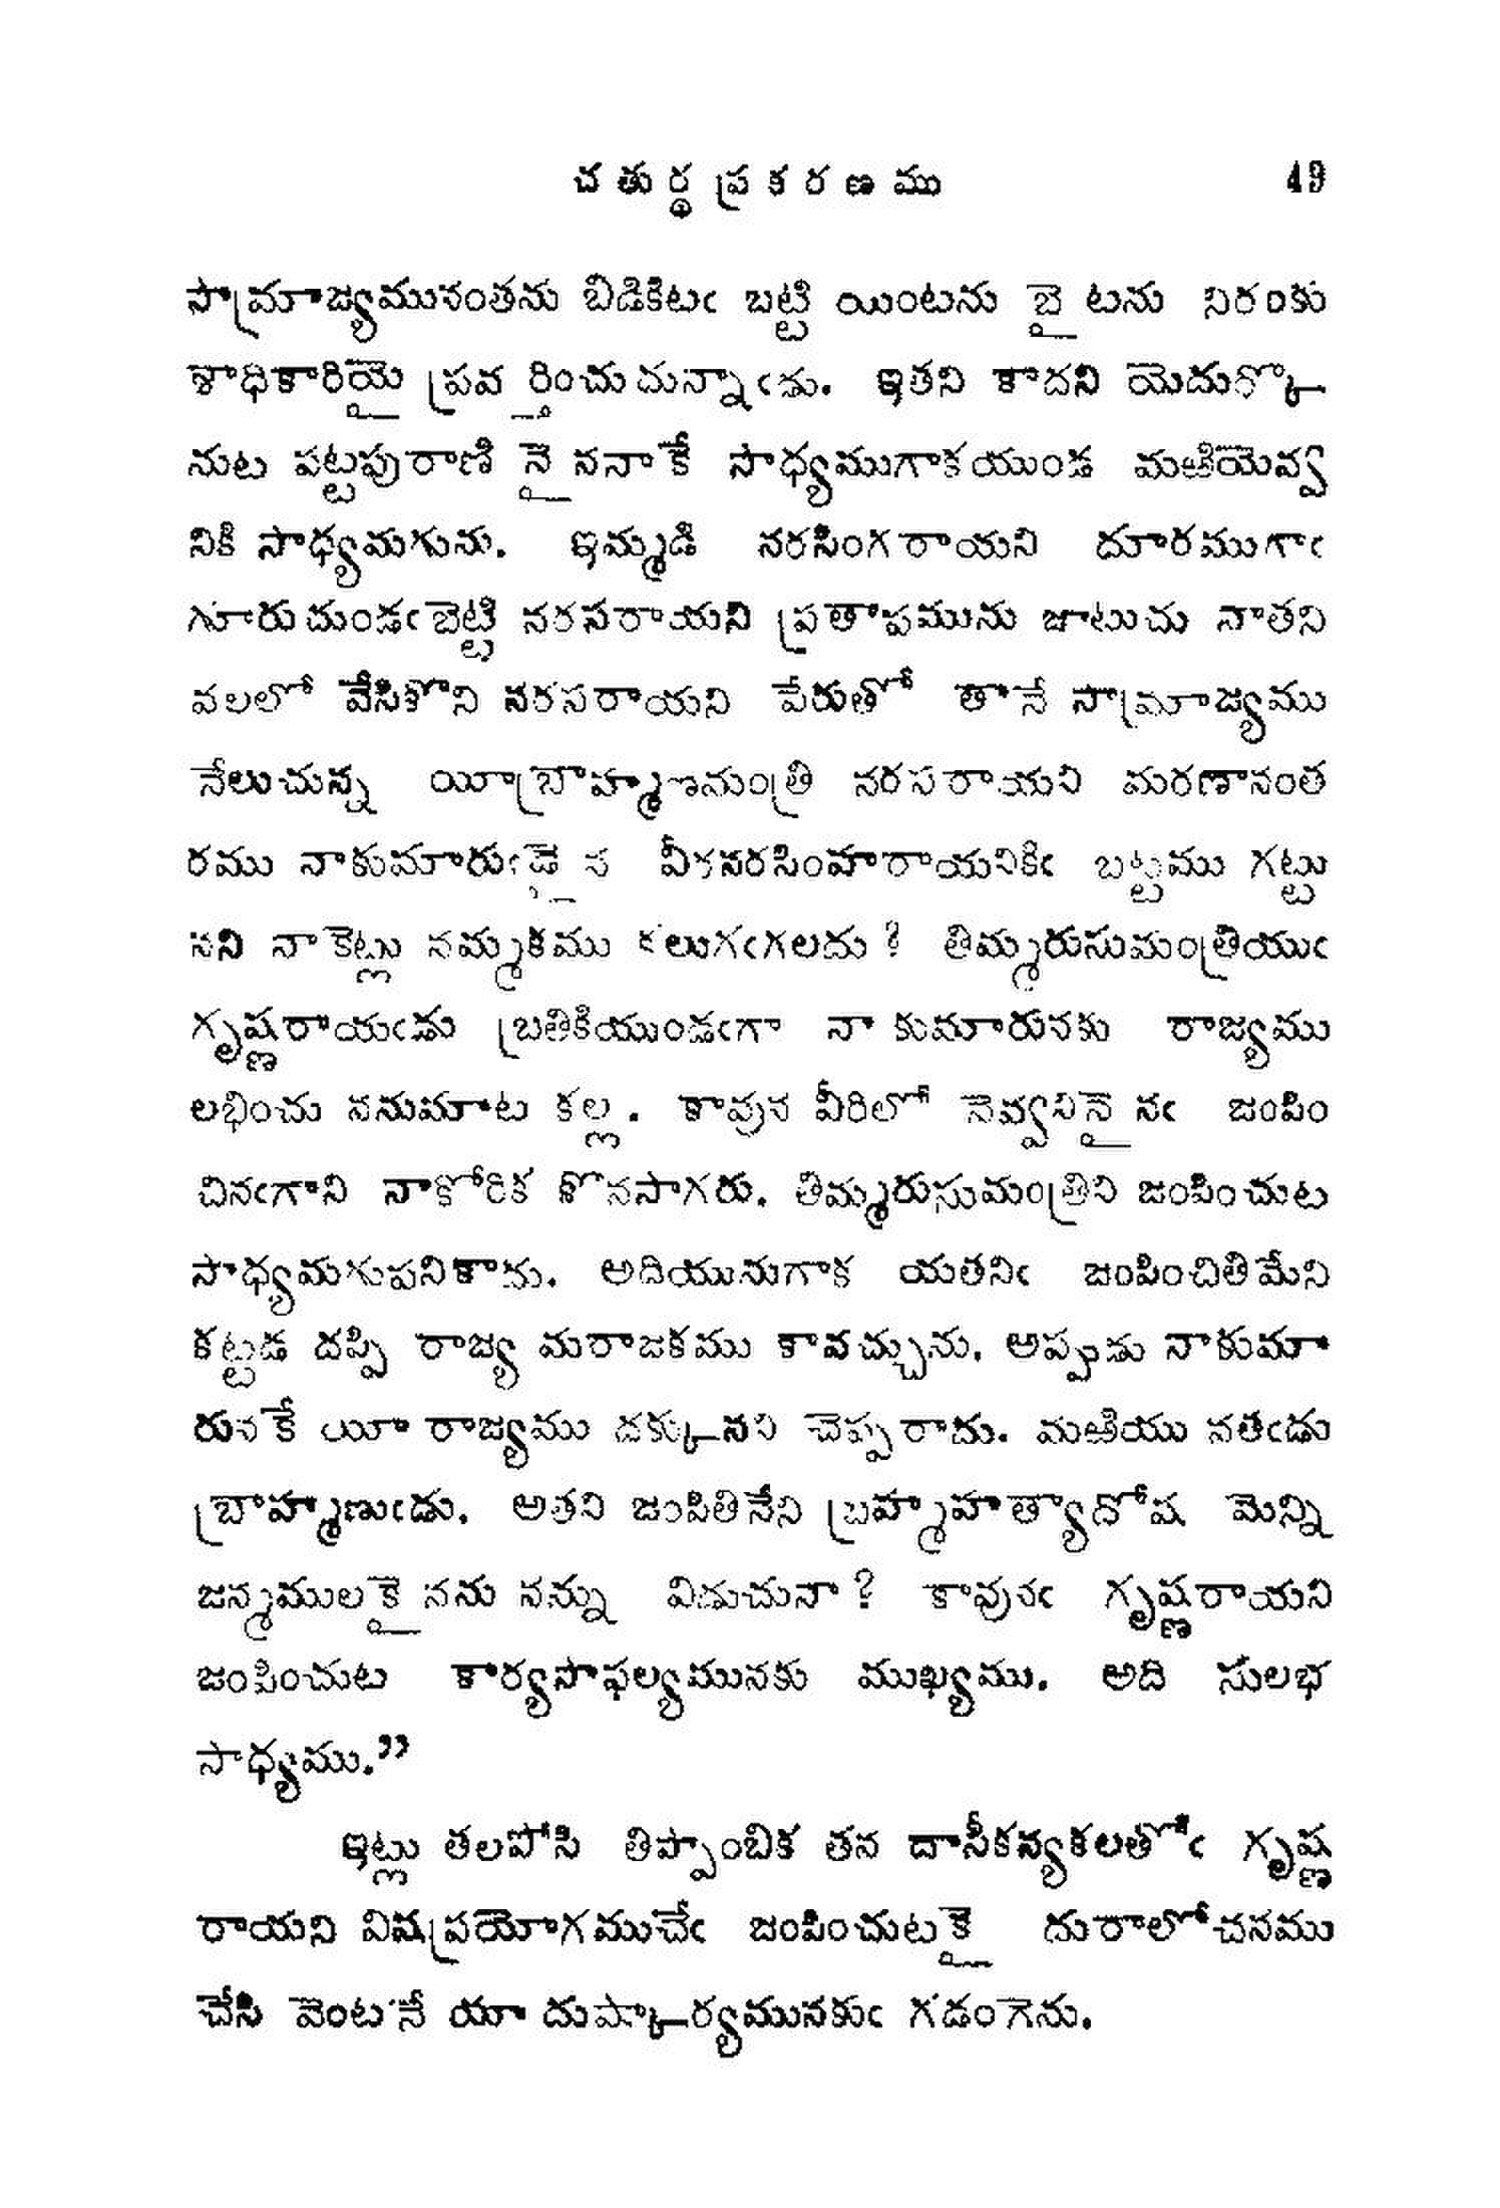సామ్రాజ్యమునంతను బిడికిటఁ బట్టి యింటను బైటను నిరంకుశాధికారియై ప్రవర్తించు చున్నాఁడు. ఇతని కాదని యెదుర్కొనుట పట్టపురాణి నైననాకే సాధ్యముగాకయుండ మఱియెవ్వనికి సాధ్యమగును. ఇమ్మడి నరసింగరాయని దూరముగాఁ గూరుచుండఁబెట్టి నరసరాయని ప్రతాపమును జాటుచు నాతని వలలో వేసికొని సరసరాయని పేరుతో తానే సామ్రాజ్యము నేలుచున్న యీబ్రాహ్మణమంత్రి నరసరాయని మరణానంతరము నాకుమారుఁడైస వీరనరసింహరాయనికిఁ బట్టము గట్టునని నాకెట్లు నమ్మకము కలుగఁగలదు? తిమ్మరుసుమంత్రియుఁ గృష్ణరాయఁడు బ్రతికియుండఁగా నా కుమారునకు రాజ్యము లభించు ననుమాట కల్ల. కావున వీరిలో నెవ్వనినైనఁ జంపించినఁగాని నాకోరిక కొనసాగదు. తిమ్మరుసుమంత్రిని జంపించుట సాధ్యమగుపనికాదు. అదియునుగాక యతనిఁ జంపించితిమేని కట్టడ దప్పి రాజ్య మరాజకము కావచ్చును. అప్పుడు నాకుమారునకే యీ రాజ్యము దక్కునని చెప్పరాదు. మఱియు నతఁడు బ్రాహ్మణుఁడు. అతని జంపితినేని బ్రహ్మహత్యాదోష మెన్ని జన్నములకైనను నన్ను విడుచునా? కావునఁ గృష్ణరాయని జంపించుట కార్యసాఫల్యమునకు ముఖ్యము. అది సులభ సాధ్యము.”

ఇట్లు తలపోసి తిప్పాంబిక తన దాసీకన్యకలతోఁ గృష్ణరాయని విషప్రయోగముచేఁ జంపించుటకై దురాలోచనము చేసి వెంటనే యా దుష్కార్యమునకుఁ గడంగెను.